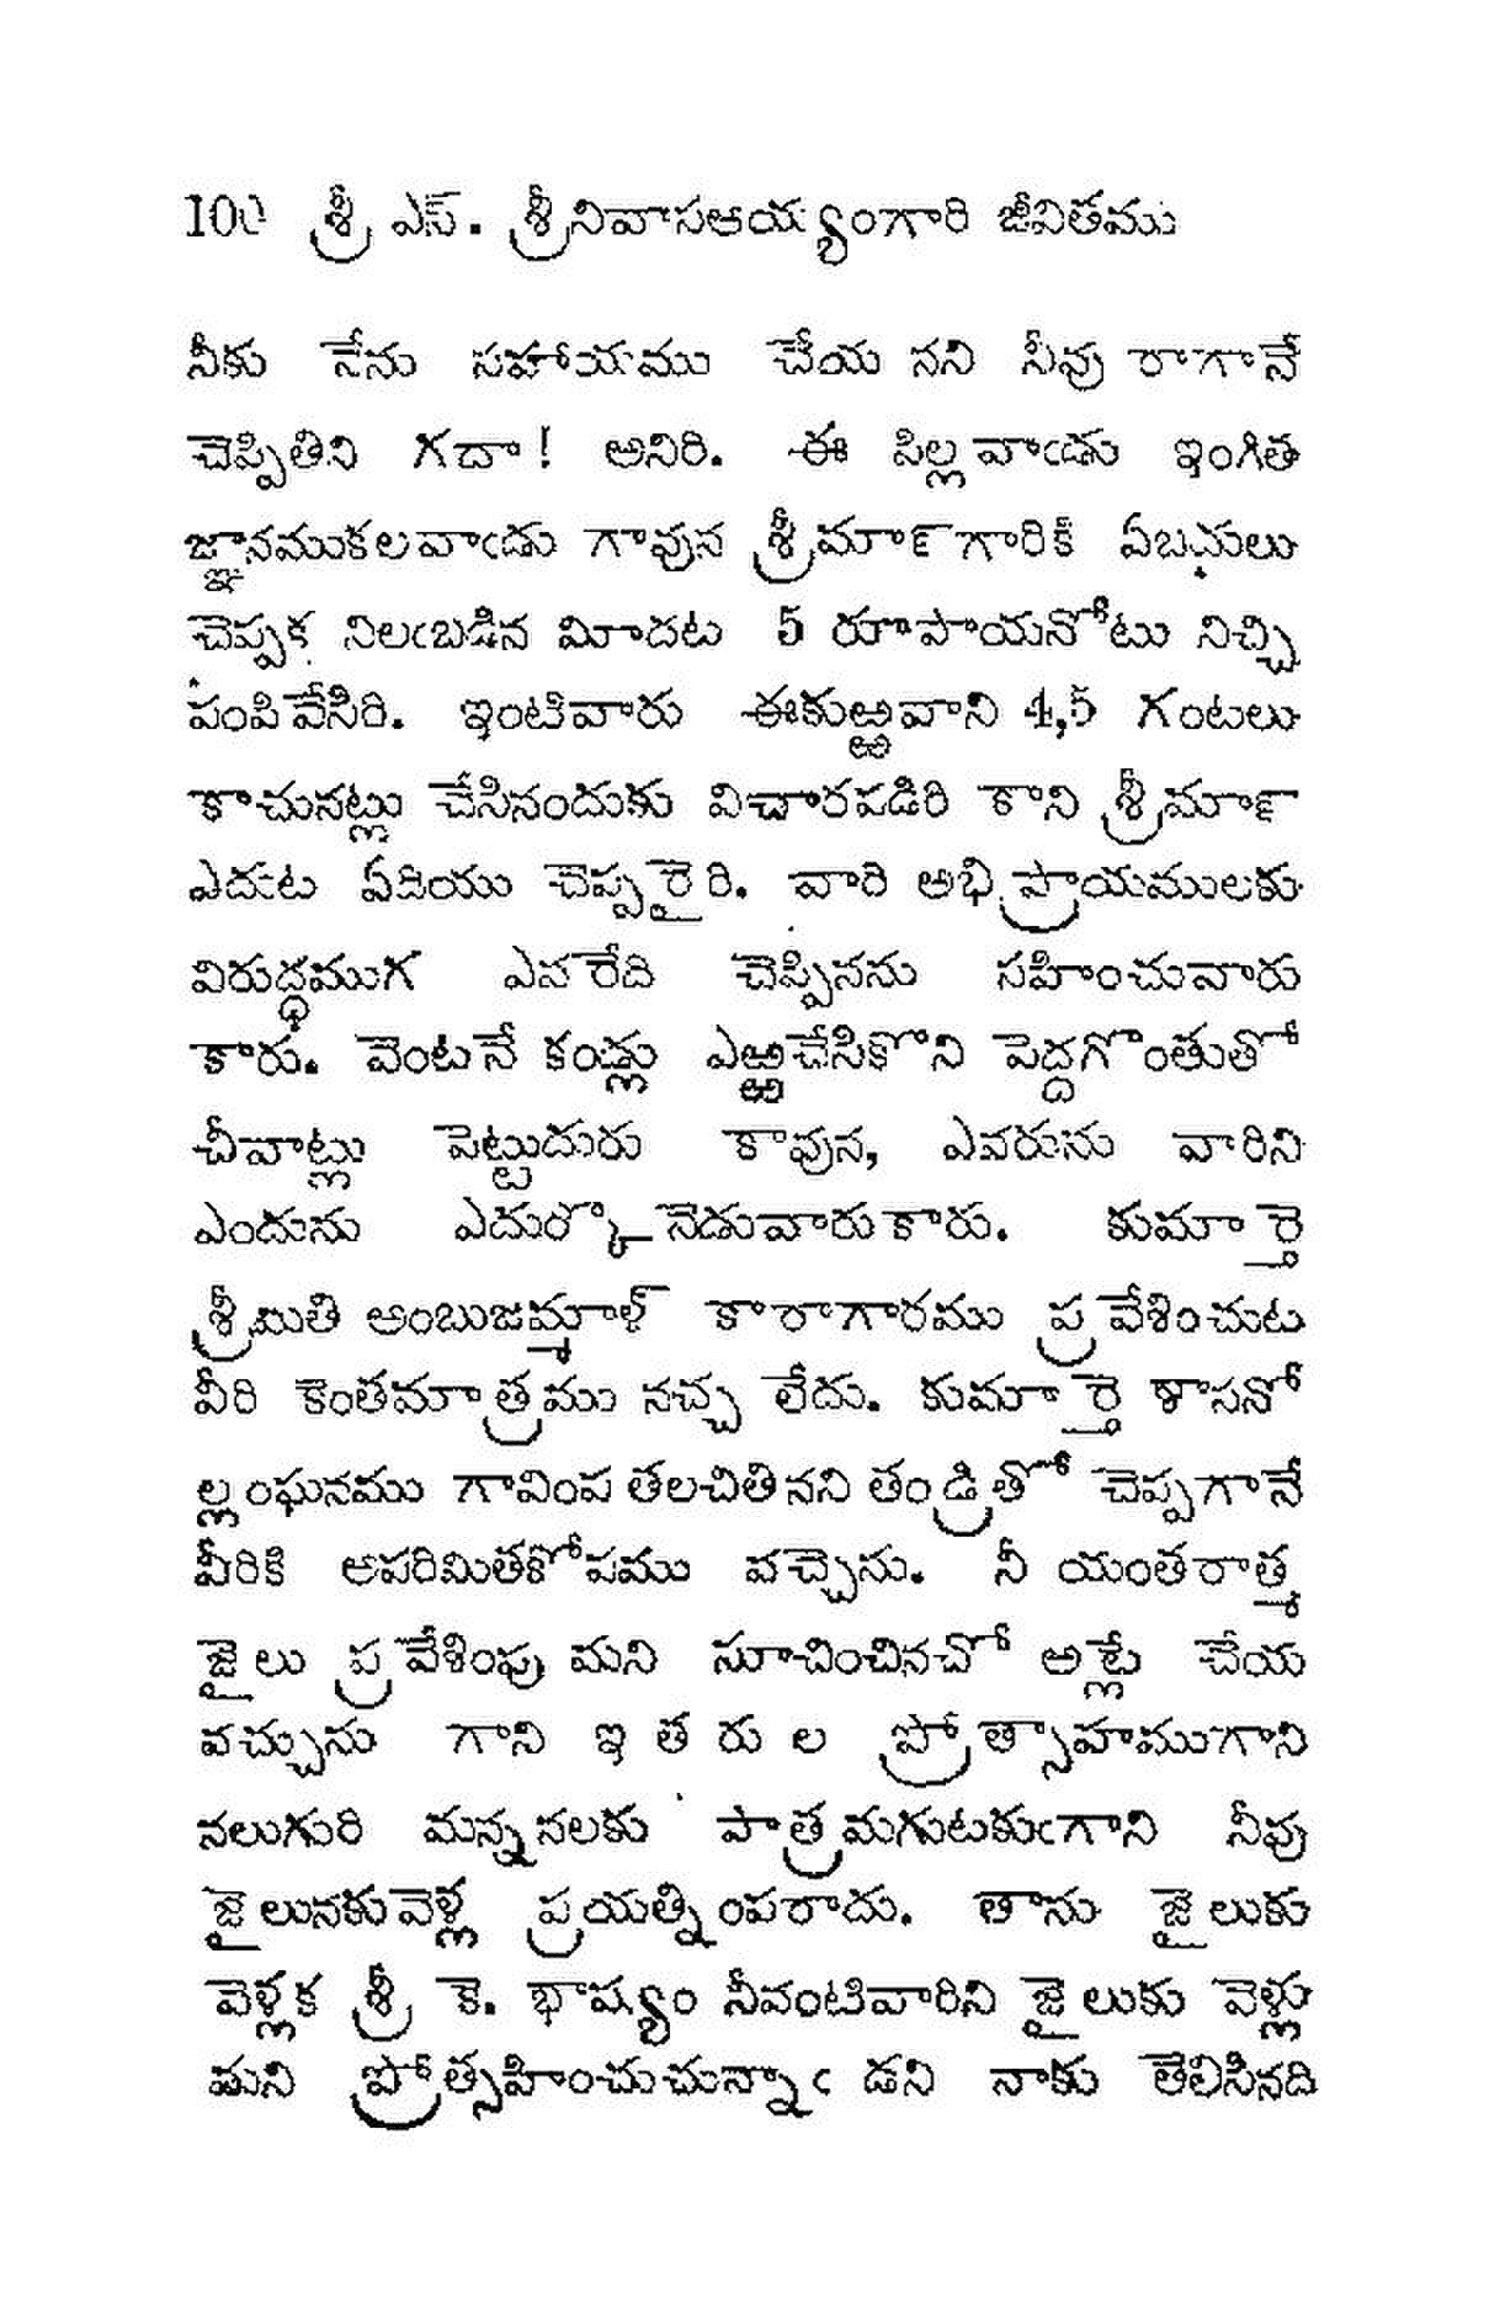నీకు నేను సహాయము చేయనని నీవు రాగానే చెప్పితిని గదా ! అనిరి. ఈ పిల్లవాఁడు ఇంగిత జ్ఞానముకలవాఁడు గావున శ్రీమా౯గారికి ఏబదులు చెప్పక నిలఁబడిన మీదట 5 రూపొయనోటు నిచ్చి పంపివేసిరి. ఇంటివారు ఈకుఱ్ఱవాని 4, 5 గంటలు కాచునట్లు చేసినందుకు విచారపడిరి కాని శ్రీమా౯ ఎదుట ఏదియు చెప్పరైరి. వారి అభిప్రాయములకు విరుద్ధముగ ఎవరేది చెప్పినను సహించువారు కారు. వెంటనే కండ్లు ఎఱ్ఱచేసికొని పెద్దగొంతుతో చీవాట్లు పెట్టుదురు కావున, ఎవరును వారిని ఎందును ఎదుర్కొనెడువారుకారు. కుమార్తె శ్రీమతి అంబుజమ్మాళ్ కారాగారము ప్రవేశించుట వీరి కెంతమాత్రము నచ్చలేదు. కుమార్తె శాసనోల్లంఘనము గావింప తలచితినని తండ్రితో చెప్పగానే వీరికి అపరిమితకోపము వచ్చెను. నీ యంతరాత్మ జైలు ప్రవేశింపు మని సూచించినచో అట్లే చేయవచ్చును. గాని ఇతరుల ప్రోత్సాహముగాని నలుగురి మన్ననలకు పాత్రమగుటకుఁగాని నీవు జైలునకువెళ్ల ప్రయత్నింపరాదు. తాను జైలుకు వెళ్లక శ్రీ కె. భాష్యం నీవంటివారిని జైలుకు వెళ్లుమని ప్రోత్సహించుచున్నాఁ డని నాకు తెలిసినది